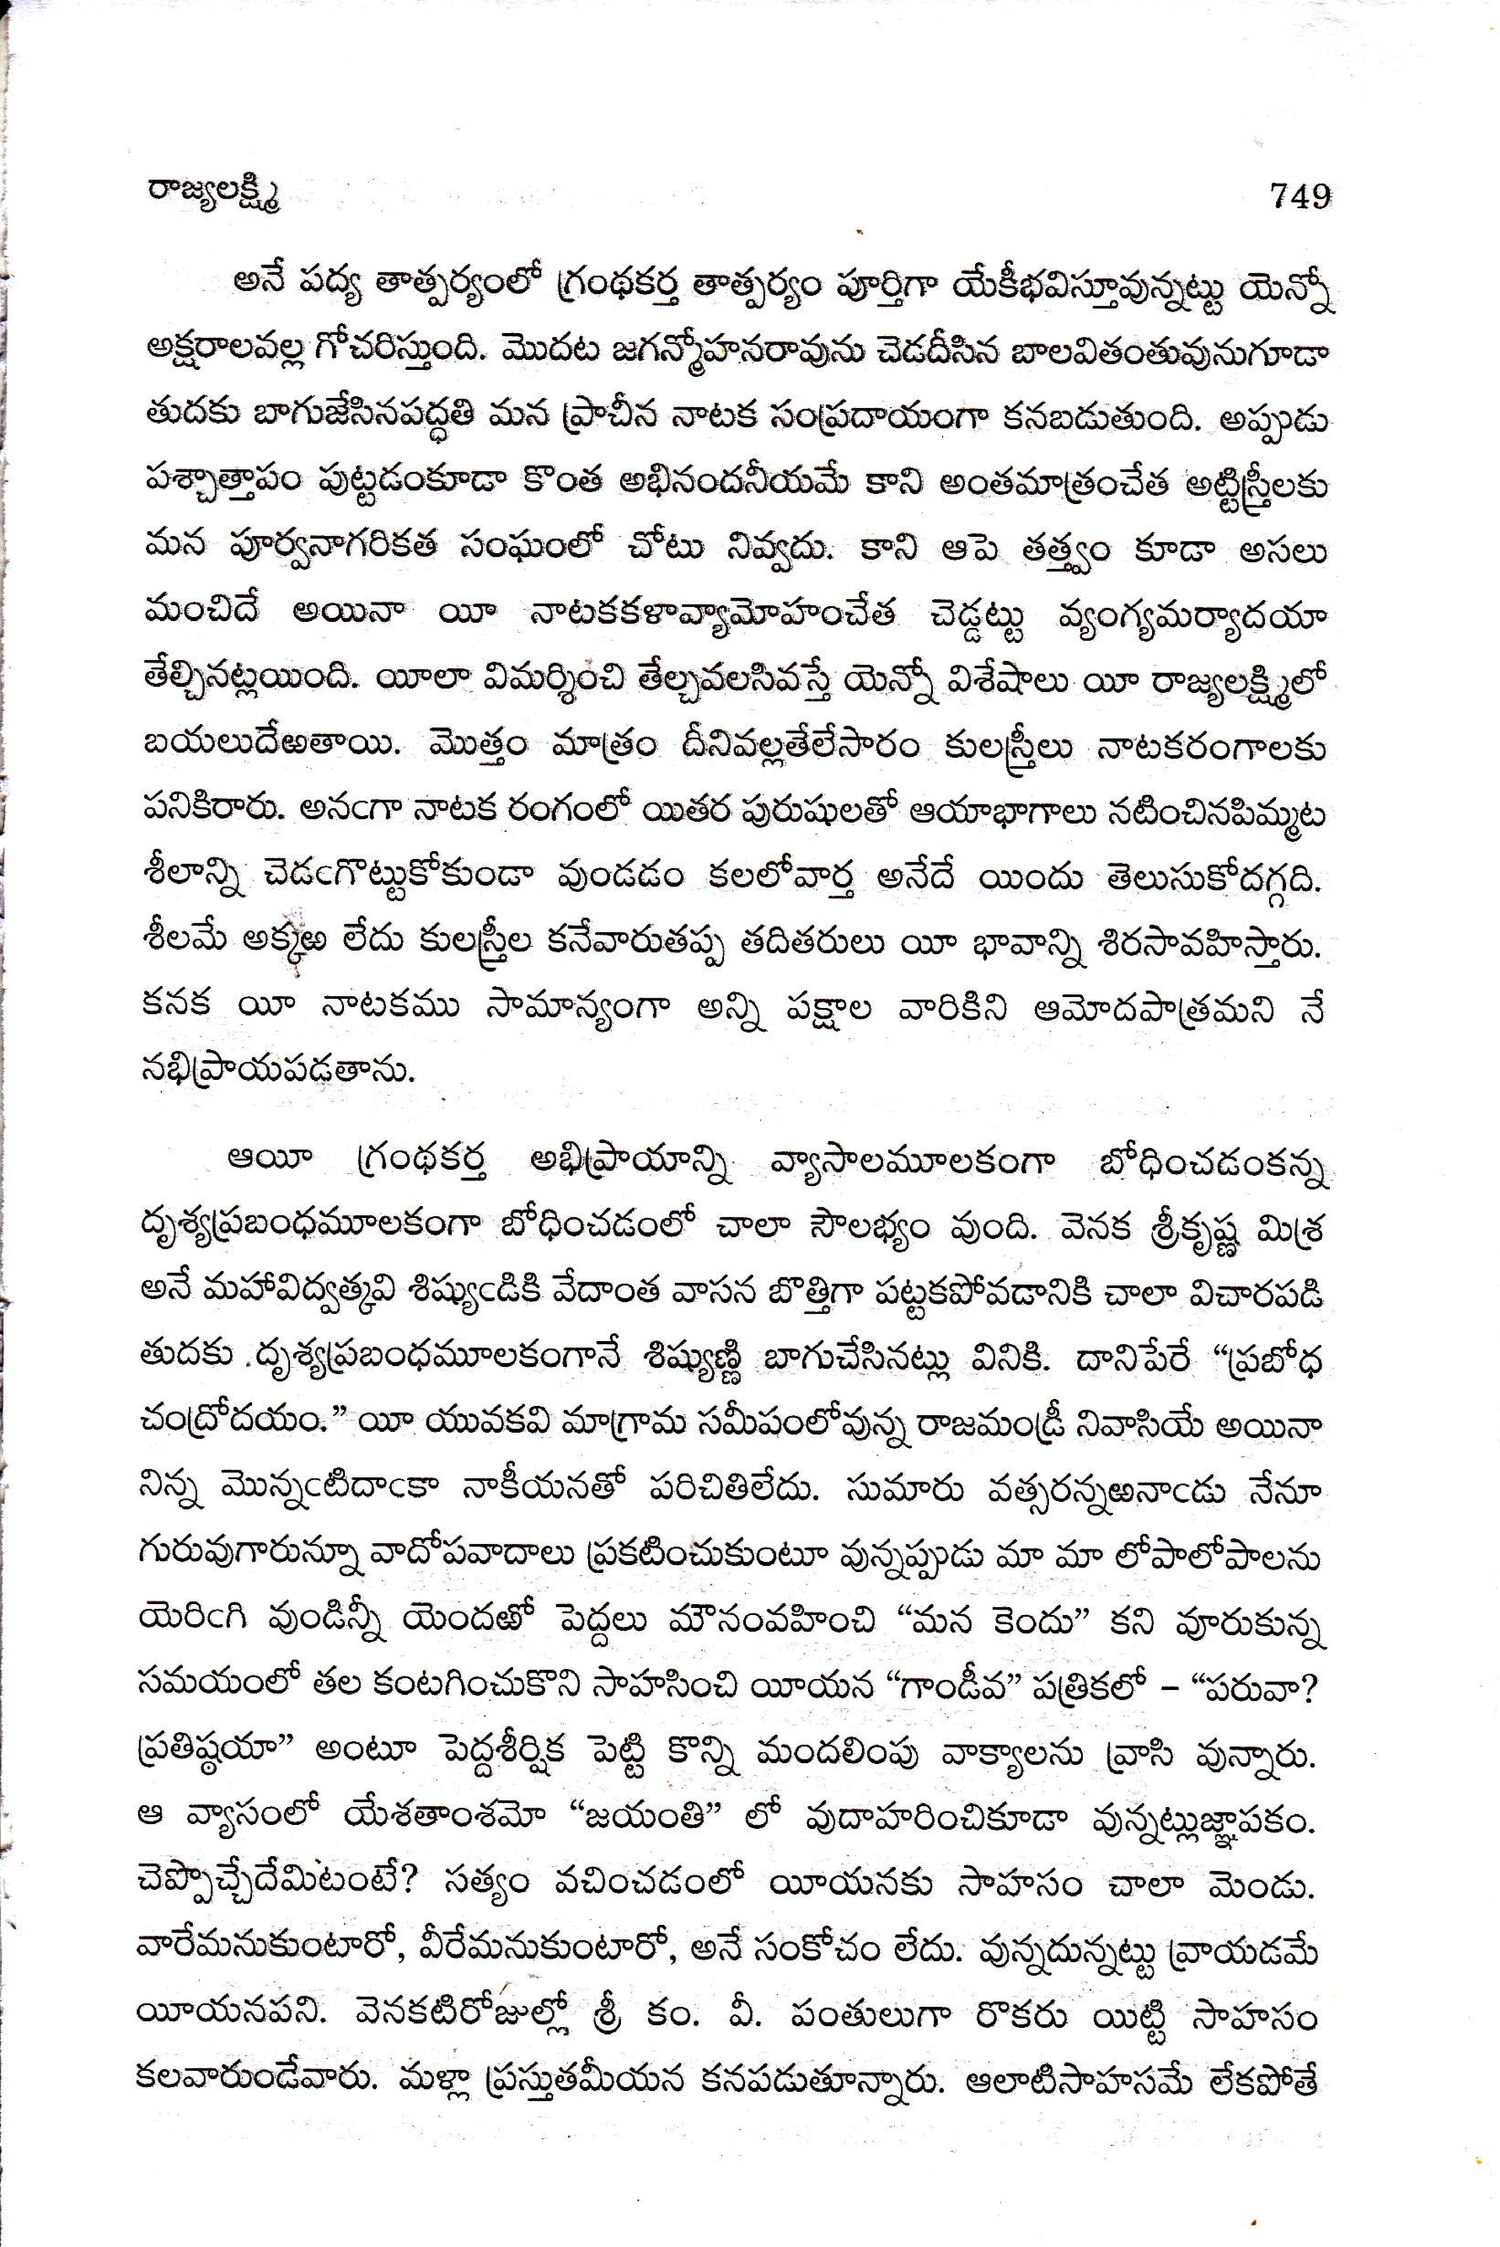అనే పద్య తాత్పర్యంలో గ్రంథకర్త తాత్పర్యం పూర్తిగా యేకీభవిస్తూవున్నట్టు యెన్నో అక్షరాలవల్ల గోచరిస్తుంది. మొదట జగన్మోహనరావును చెడదీసిన బాలవితంతువునుగూడా తుదకు బాగుజేసినపద్ధతి మన ప్రాచీన నాటక సంప్రదాయంగా కనబడుతుంది. అప్పుడు పశ్చాత్తాపం పుట్టడంకూడా కొంత అభినందనీయమే కాని అంతమాత్రంచేత అట్టిస్త్రీలకు మన పూర్వనాగరికత సంఘంలో చోటు నివ్వదు. కాని ఆపె తత్త్వం కూడా అసలు మంచిదే అయినా యీ నాటకకళావ్యామోహంచేత చెడ్డట్టు వ్యంగ్యమర్యాదయా తేల్చినట్లయింది. యీలా విమర్శించి తేల్చవలసివస్తే యెన్నో విశేషాలు యీ రాజ్యలక్ష్మిలో బయలుదేఱతాయి. మొత్తం మాత్రం దీనివల్లతేలేసారం కులస్త్రీలు నాటకరంగాలకు పనికిరారు. అనఁగా నాటక రంగంలో యితర పురుషులతో ఆయాభాగాలు నటించినపిమ్మట శీలాన్ని చెడగొట్టుకోకుండా వుండడం కలలోవార్త అనేదే యిందు తెలుసుకోదగ్గది. శీలమే అక్కఱ లేదు కులస్త్రీల కనేవారుతప్ప తదితరులు యీ భావాన్ని శిరసావహిస్తారు. కనక యీ నాటకము సామాన్యంగా అన్ని పక్షాల వారికిని ఆమోదపాత్రమని నే నభిప్రాయపడతాను. -

ఆయీ గ్రంథకర్త అభిప్రాయాన్ని వ్యాసాలమూలకంగా బోధించడంకన్న దృశ్యప్రబంధమూలకంగా బోధించడంలో చాలా సౌలభ్యం వుంది. వెనక శ్రీకృష్ణ మిశ్ర అనే మహావిద్వత్కవి శిష్యుఁడికి వేదాంత వాసన బొత్తిగా పట్టకపోవడానికి చాలా విచారపడి తుదకు దృశ్యప్రబంధమూలకంగానే శిష్యుణ్ణి బాగుచేసినట్లు వినికి. దానిపేరే “ప్రబోధ చంద్రోదయం." యీ యువకవి మాగ్రామ సమీపంలోవున్న రాజమండ్రీ నివాసియే అయినా నిన్న మొన్నఁటిదాఁకా నాకీయనతో పరిచితిలేదు. సుమారు వత్సరన్నఱనాఁడు నేనూ గురువుగారున్నూ వాదోపవాదాలు ప్రకటించుకుంటూ వున్నప్పుడు మా మా లోపాలోపాలను యెరిఁగి వుండిన్నీ యెందఱో పెద్దలు మౌనంవహించి "మన కెందు" కని వూరుకున్న సమయంలో తల కంటగించుకొని సాహసించి యీయన "గాండీవ" పత్రికలో - "పరువా? ప్రతిష్ఠయా" అంటూ పెద్దశీర్షిక పెట్టి కొన్ని మందలింపు వాక్యాలను వ్రాసి వున్నారు. ఆ వ్యాసంలో యేశతాంశమో "జయంతి" లో వుదాహరించికూడా వున్నట్లుజ్ఞాపకం. చెప్పొచ్చేదేమిటంటే? సత్యం వచించడంలో యీయనకు సాహసం చాలా మెండు. వారేమనుకుంటారో, వీరేమనుకుంటారో, అనే సంకోచం లేదు. వున్నదున్నట్టు వ్రాయడమే యీయనపని. వెనకటిరోజుల్లో శ్రీ కం. వీ. పంతులుగా రొకరు యిట్టి సాహసం కలవారుండేవారు. మళ్లా ప్రస్తుతమీయన కనపడుతూన్నారు. ఆలాటిసాహసమే లేకపోతే